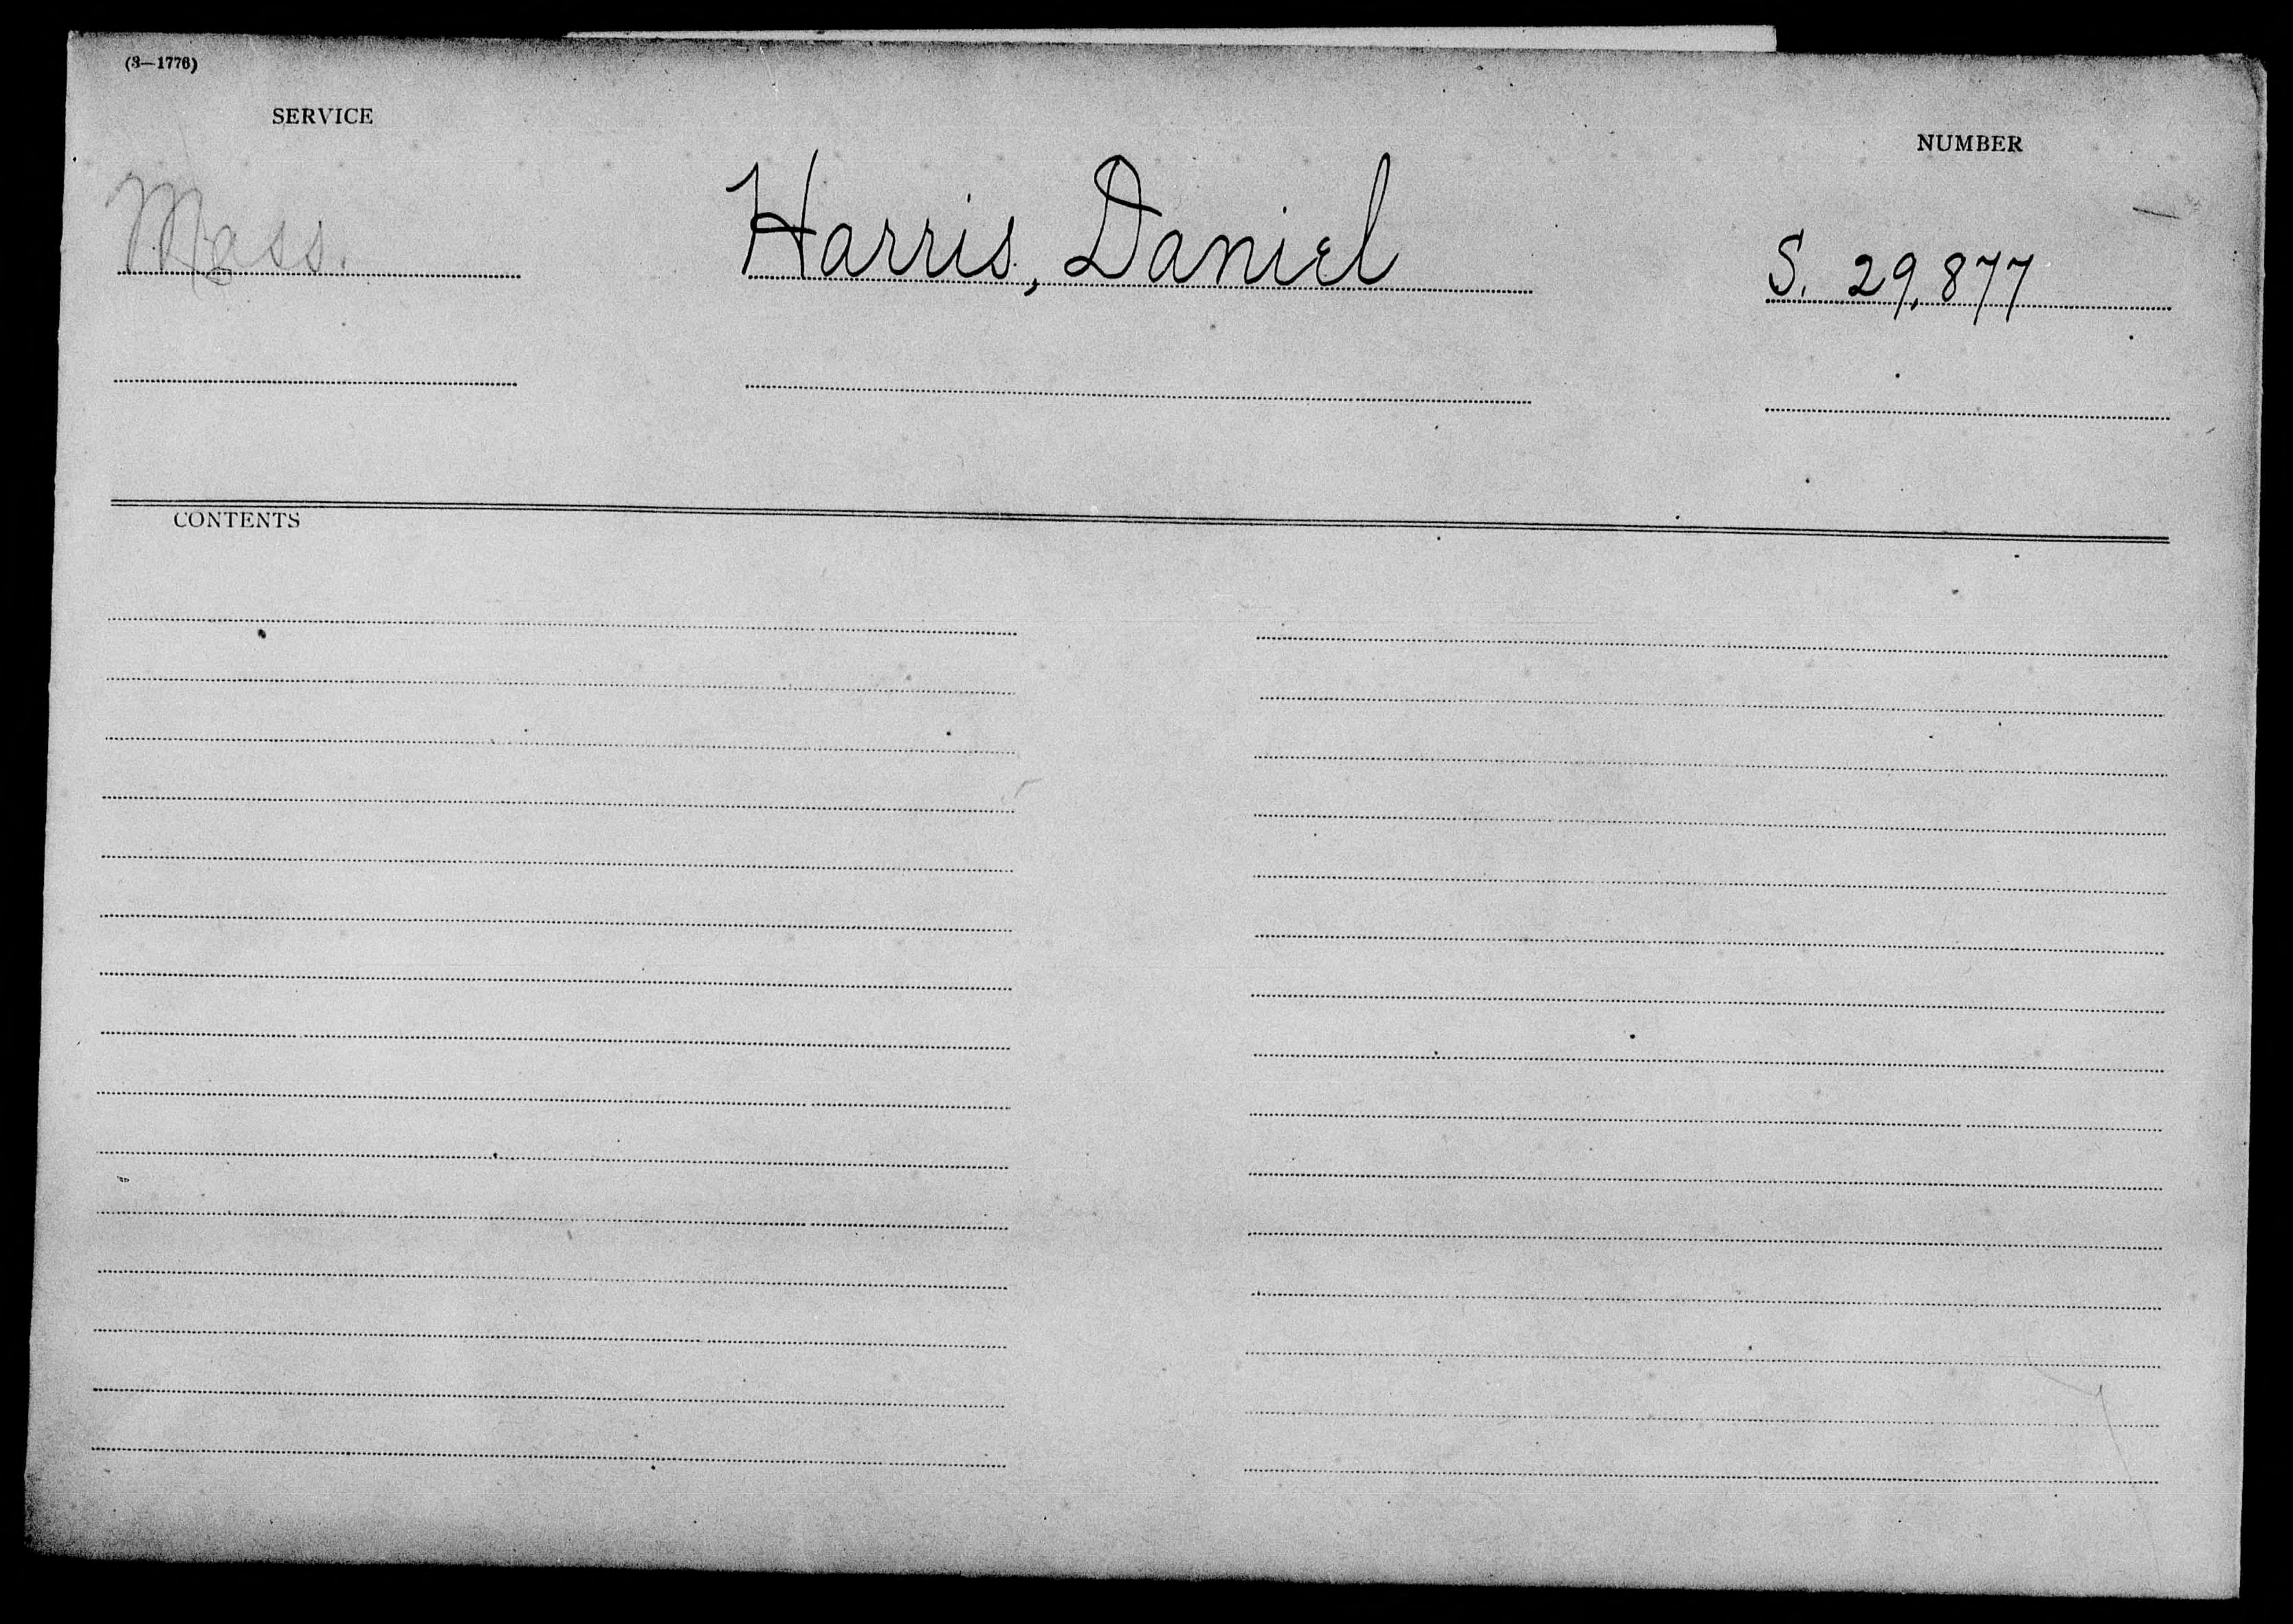Service: Mass
Harris, Daniel
S.29.877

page: 1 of 68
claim: survivor's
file: S. 29,877, Daniel Harris, Mass.